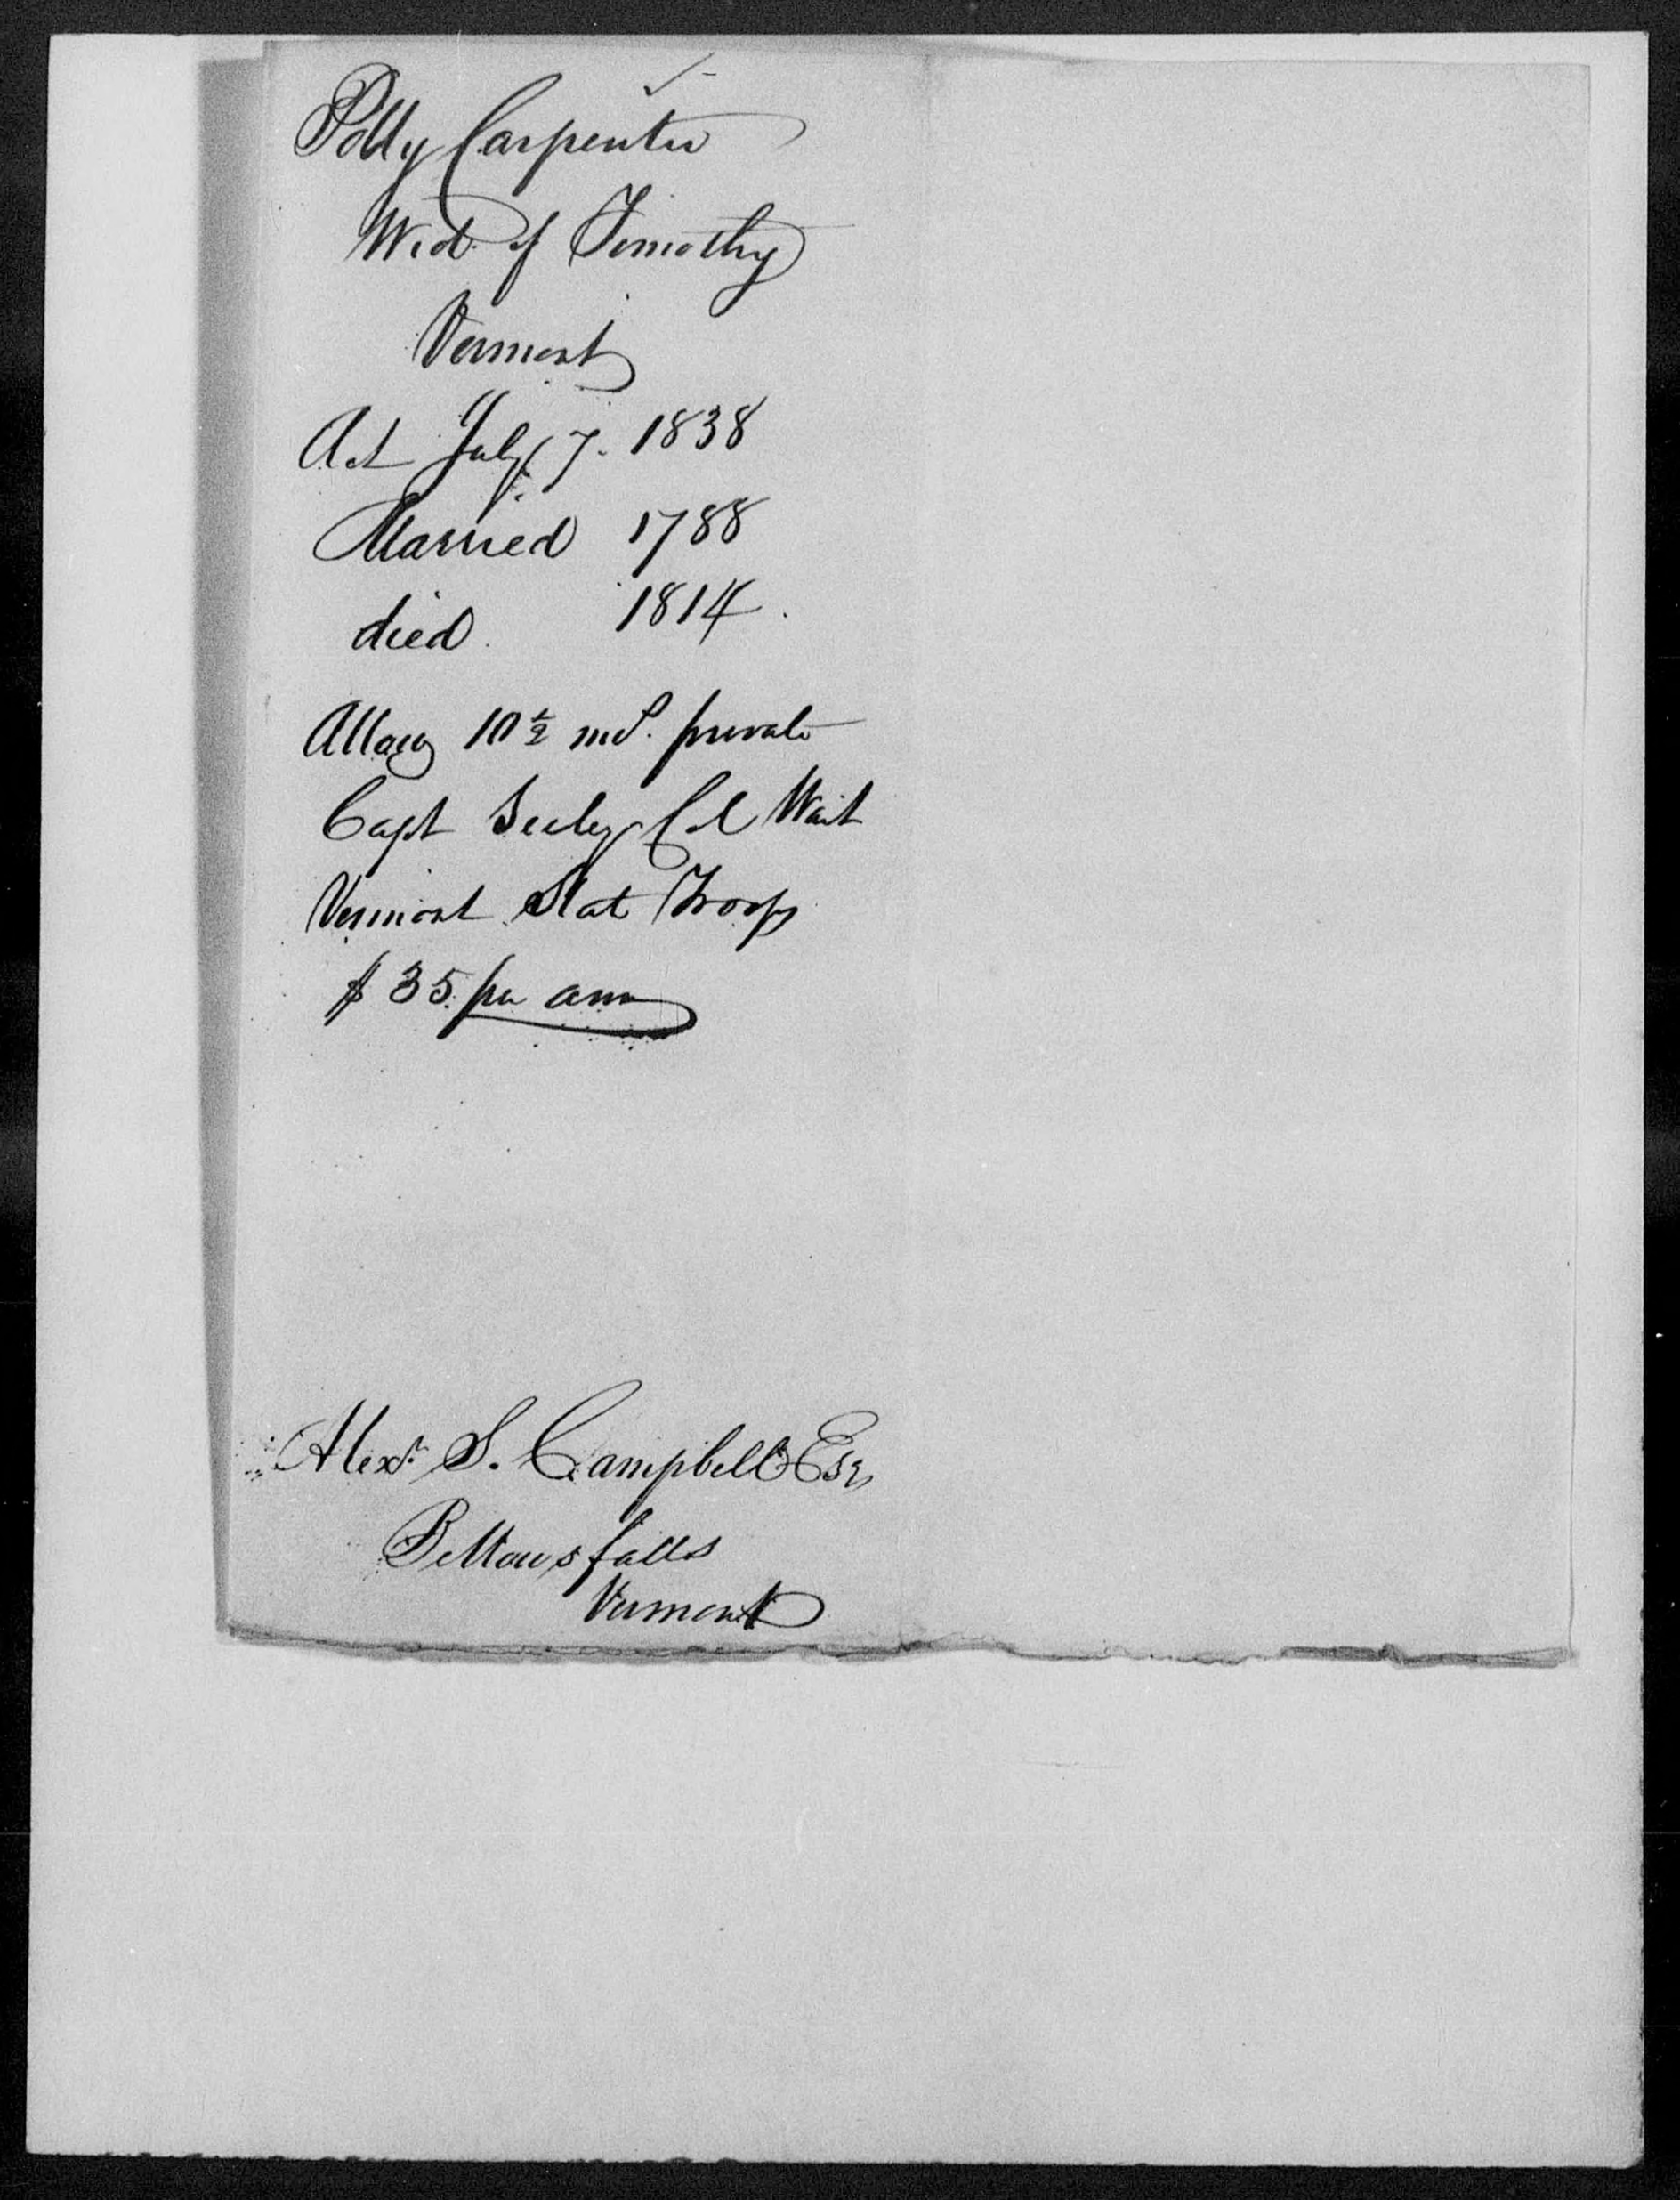✓
Polly Carpenter
Wid. of Timothy
Vermont
Act July 7. 1838
Married 1788
died 1814
Allow 19 1/2 mos. private
Capt Seeley Col Wait
Vermont State Troops
$35 per ann

A;lex'r S. Campbell Esq
Bellows falls Vermont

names: Alexr S Campbell, Seeley, Polly Carpenter, Timothy, Wait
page: 23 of 41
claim: widow's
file: W. 15627, Timothy Carpenter, Vt.